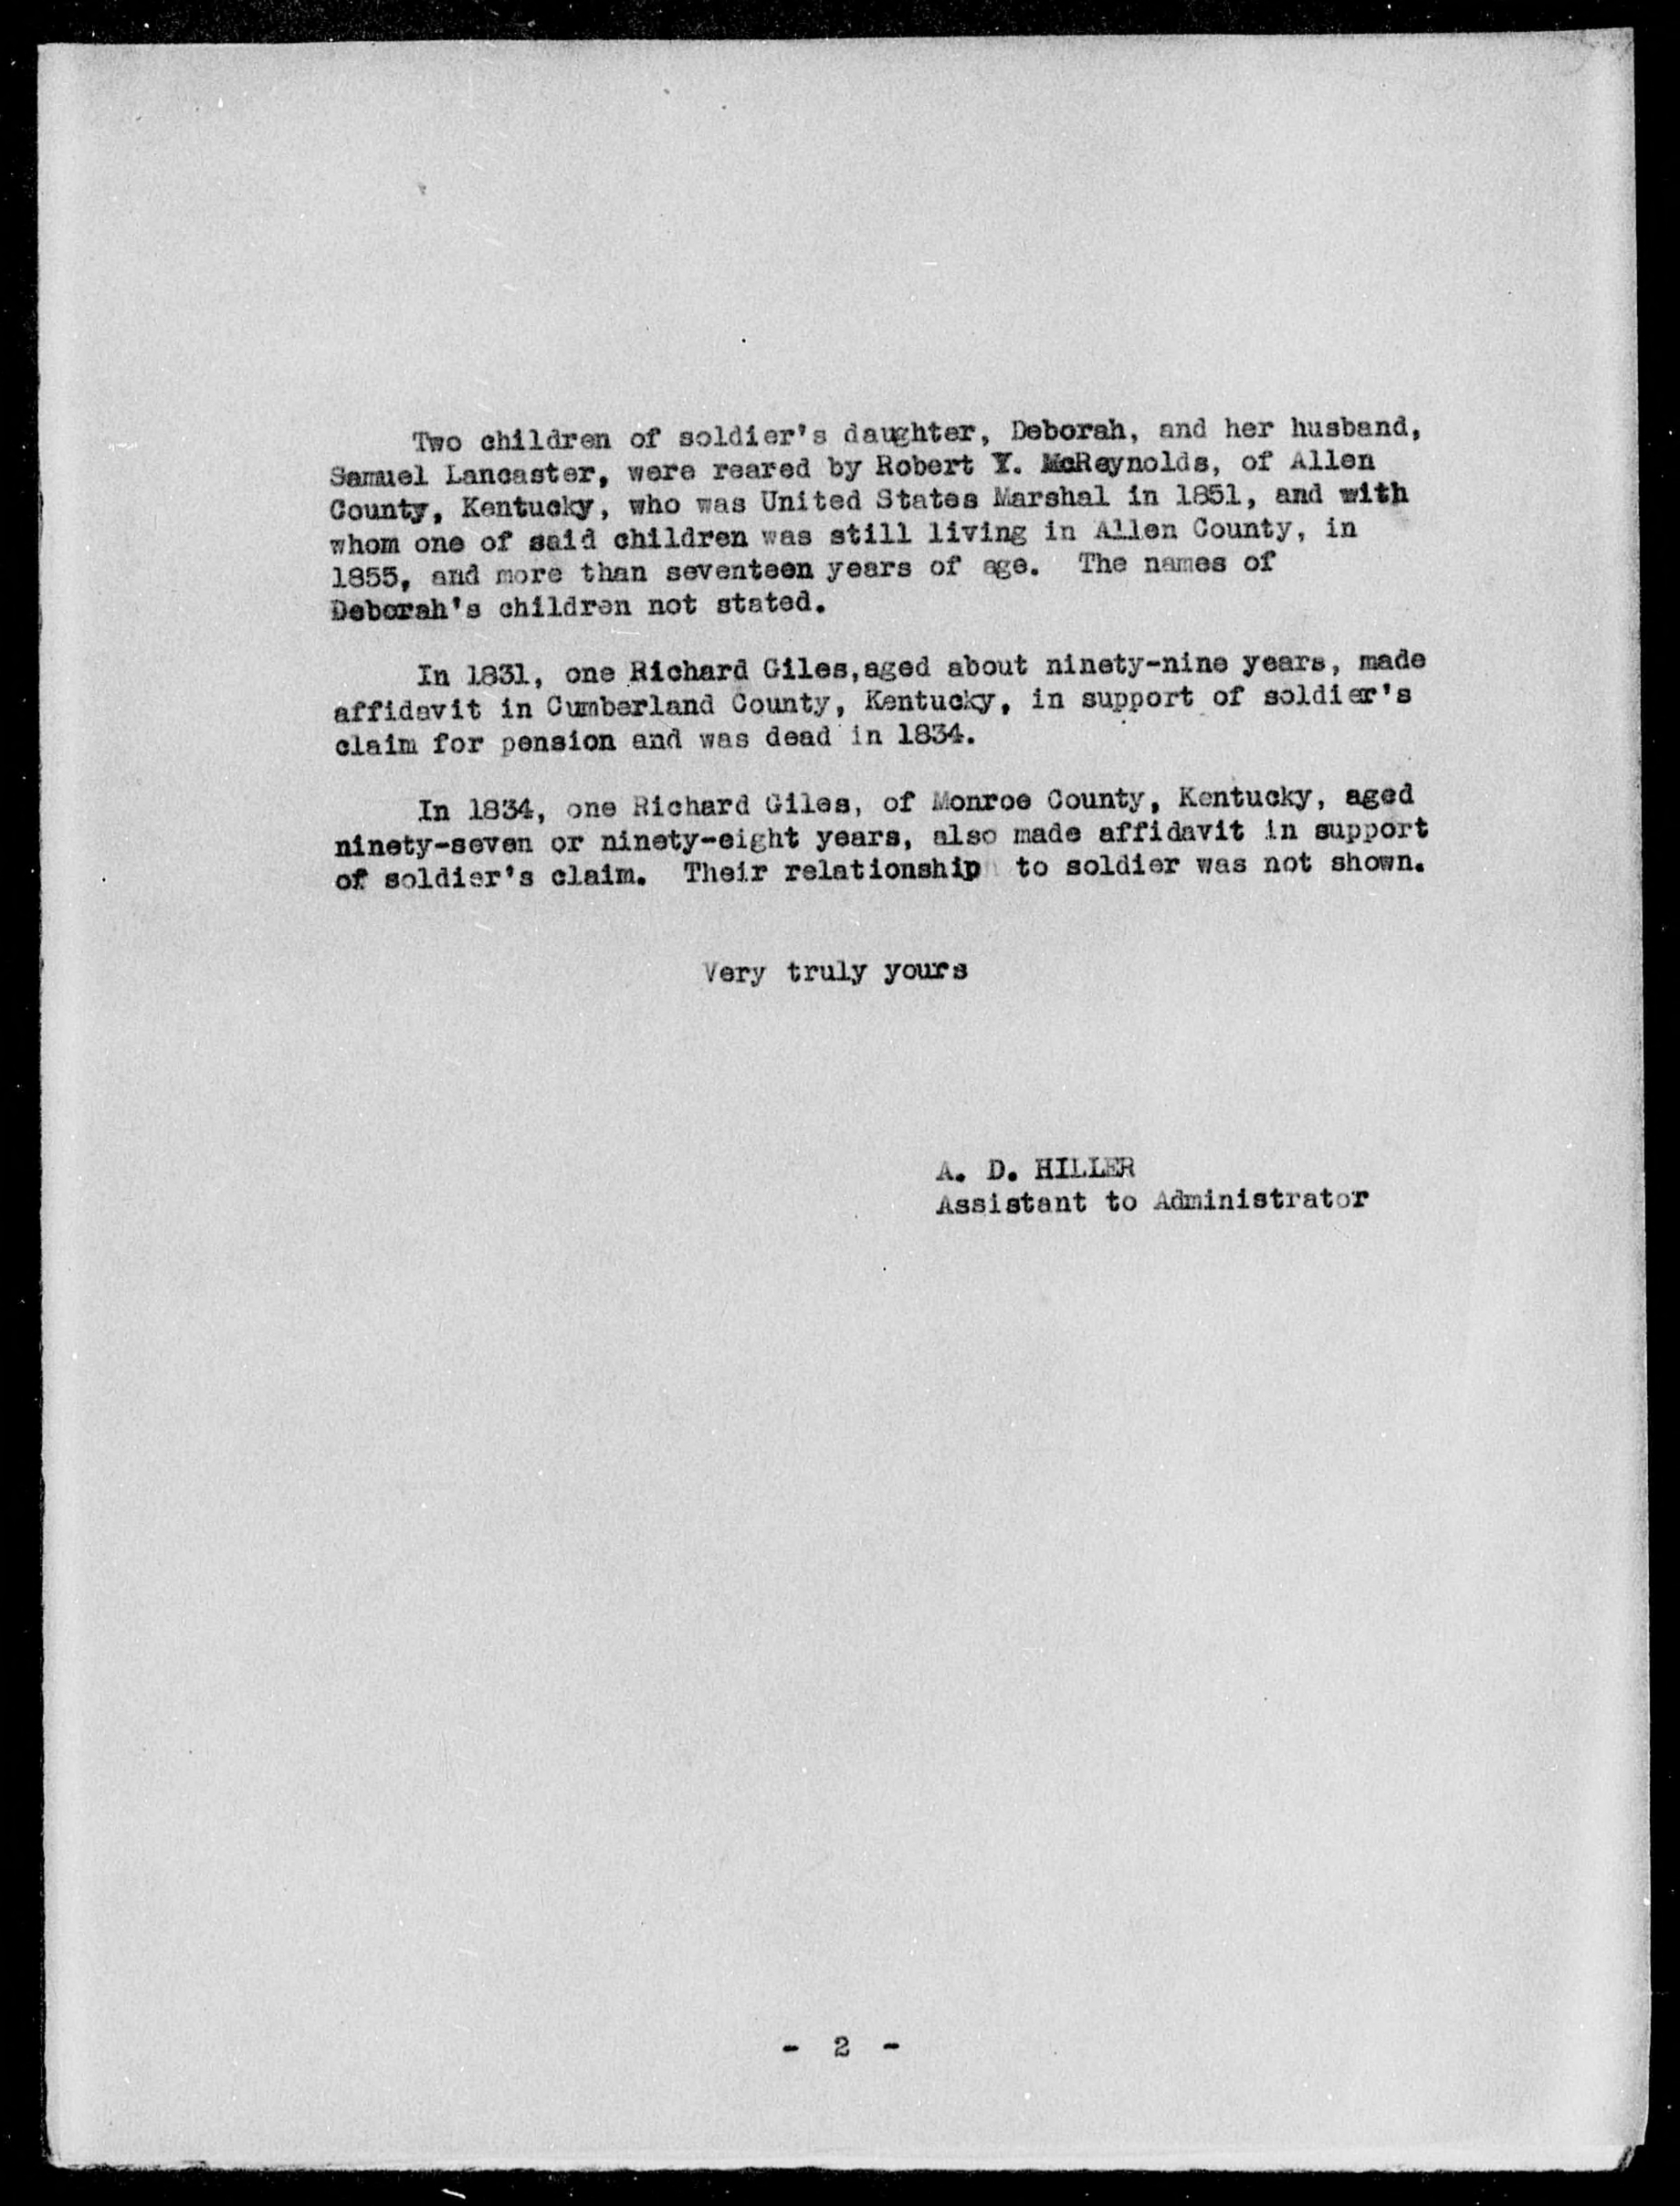Two children of soldier's daughter, Deborah, and her husband, Samuel Lancaster, were reared by Robert Y. McReynolds, of Allen County, Kentucky, who was United States Marshal in 1851, and with
whom one of said children was still living in Allen County, in 1855, and more than seventeen years of age. The names of Deborah's children not stated.

In 1831, one Richard Giles, aged about ninety-nine years, made affidavit in Cumberland County, Kentucky, in support of soldier's claim for pension and was dead in 1834.

In 1834, one Richard Giles, of Monroe County, Kentucky, aged ninety-seven or ninety-eight years, also made affidavit in support of soldier's claim. Their relationship to soldier was not shown.
Very truly yours

A. D. HILLER
Assistant to Administrator
-  2  -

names: Richard Giles, Deborah, Robert Y Mc Reynolds, Samuel Lancaster, A D Hiller, Deborah, Richard Giles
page: 82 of 82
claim: widow's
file: W. 7,522, John Giles, N.C.